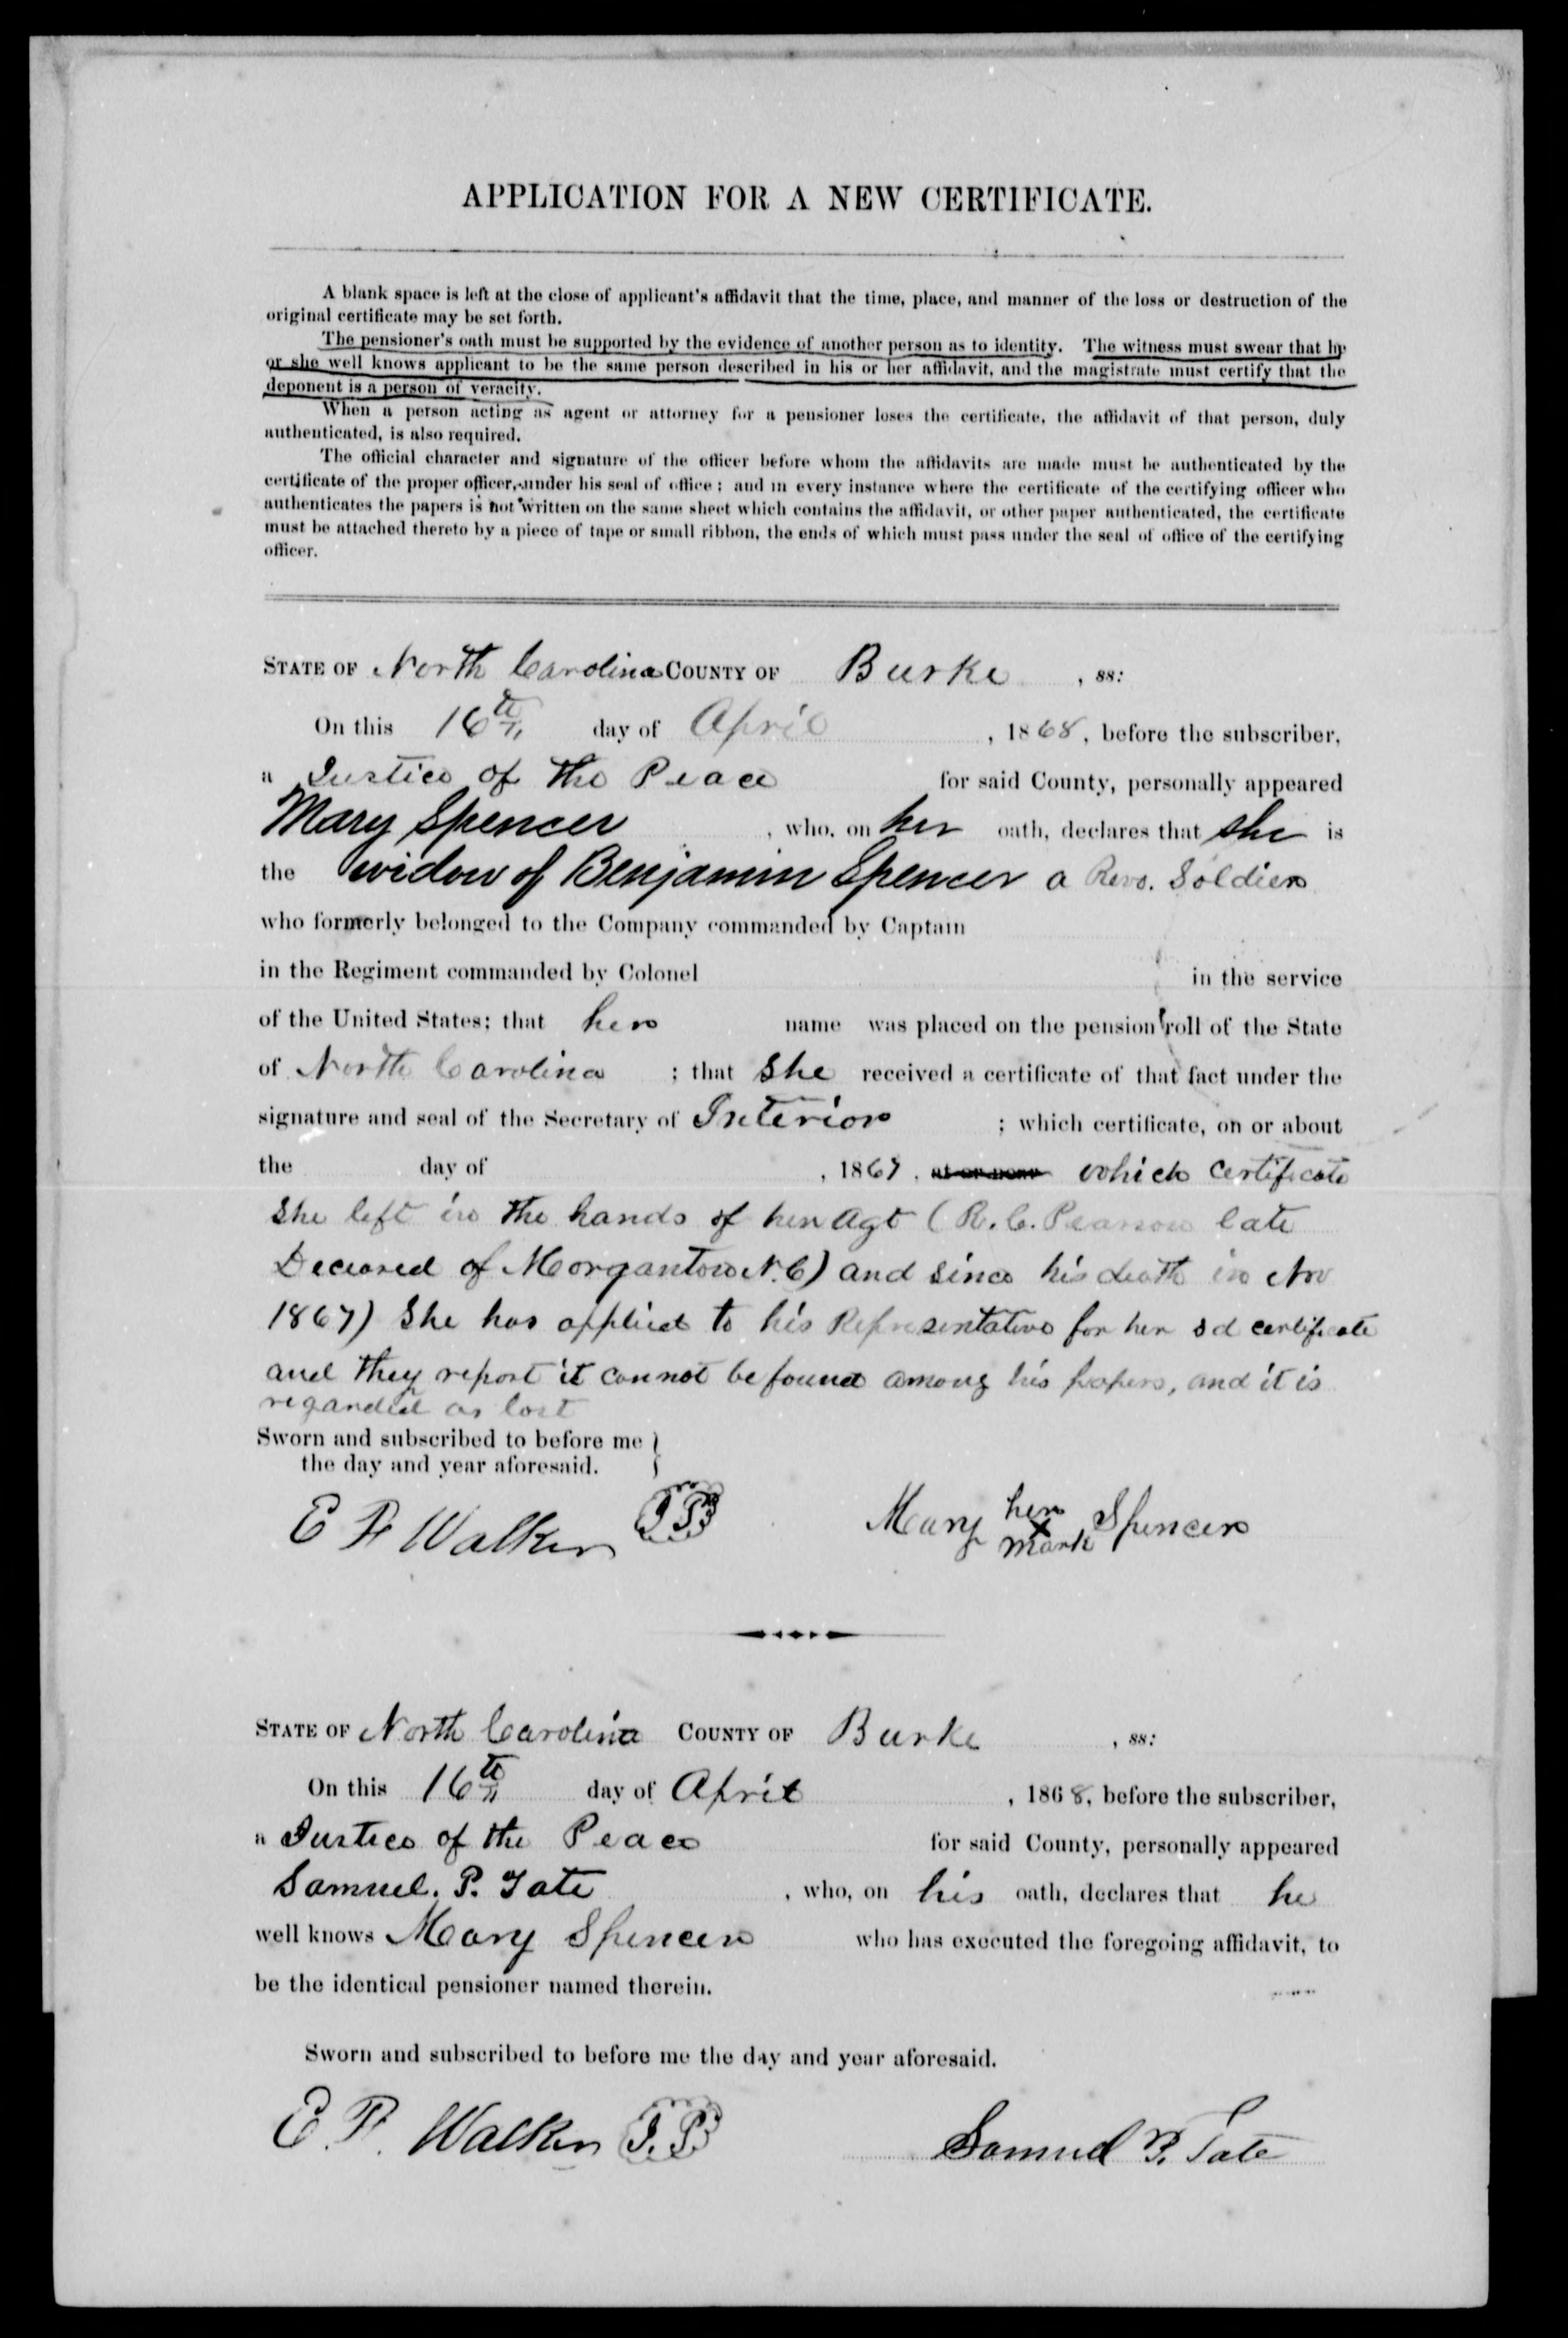APPLICATION FOR A NEW CERTIFICATE.
A blank space is left at the close of applicant's affidavit that the time, place, and manner of the loss or destruction of the
original certificate may be set forth.
The pensioner's oath must be supported by the evidence of another person as to identity. The witness must swear that he or
she well knows applicant to be the same person described in his or her affidavit, and the magistrate must certify that the
deponent is a person of veracity.
When a person acting as agent or attorney for a pensioner loses the certificate, the affidavit of that person duly
authenticated, is also required.
The official character and signature of the officer before whom the affidavits are made must be authenticated by the
certificate of the proper officer, under his seal of office; and in every instance where the certificate of the certifying officer who
authenticates the papers is not written on the same sheet which contains the affidavit, or other paper authenticated, the certificate
must be attached thereto by a piece of tape or small ribbon, the ends of which must pass under the seal of office of the certifying
officer.
℗
STATE OF North Carolina COUNTY OF Burke, ss:
On this 16th day of April
1868, before the subscriber,
a Justice of the Peace
for said County, personally appeared Mary Spencer
who, on her oath, declares that she is
the widow of Benjamin Spencer a Revo. Soldier
who formerly belonged to the Company commanded by Captain
in the Regiment commanded by Colonel in
the service
of the United States; that her
name was placed on the pension roll of the State of
North Carolina; that she received a certificate of that fact under the
signature and seal of the Secretary of Interior;
which certificate, on or about
the
day of
1867, which certificate
she left in the hands of her agt. (R.C. Pearson late
Deceased of Morganton N.C.) and since his death in Nov
1867) She has applied to his Representative for her said certificate
and they report it cannot be found among his papers, and it is
regarded as lost
Sworn and subscribed to before me
the day and year aforesaid.
E F Walker
Mary Spencer
her mark
STATE OF North Carolina COUNTY OF Burke, ss:
On this 16th day of April 1868, before the subscriber, a Justice of the Peace
for said County, personally appeared
Samuel P. Tate who, on his oath, declares that he well knows Mary Spencer
who has executed the foregoing affidavit to
be the identical pensioner named therein.
Sworn and subscribed to before me the day and year aforesaid.
E. P. Walker
Samuel P. Tate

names: Benjamin Spencer; Mary Spencer; Samuel P Tate; E F Walker; Mary Spencer; Mary Spencer; R C Pearson; Samuel P Tate; E F Walker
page: 60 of 63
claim: widow's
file: W. 6158, for Benjamin Spencer, North Carolina